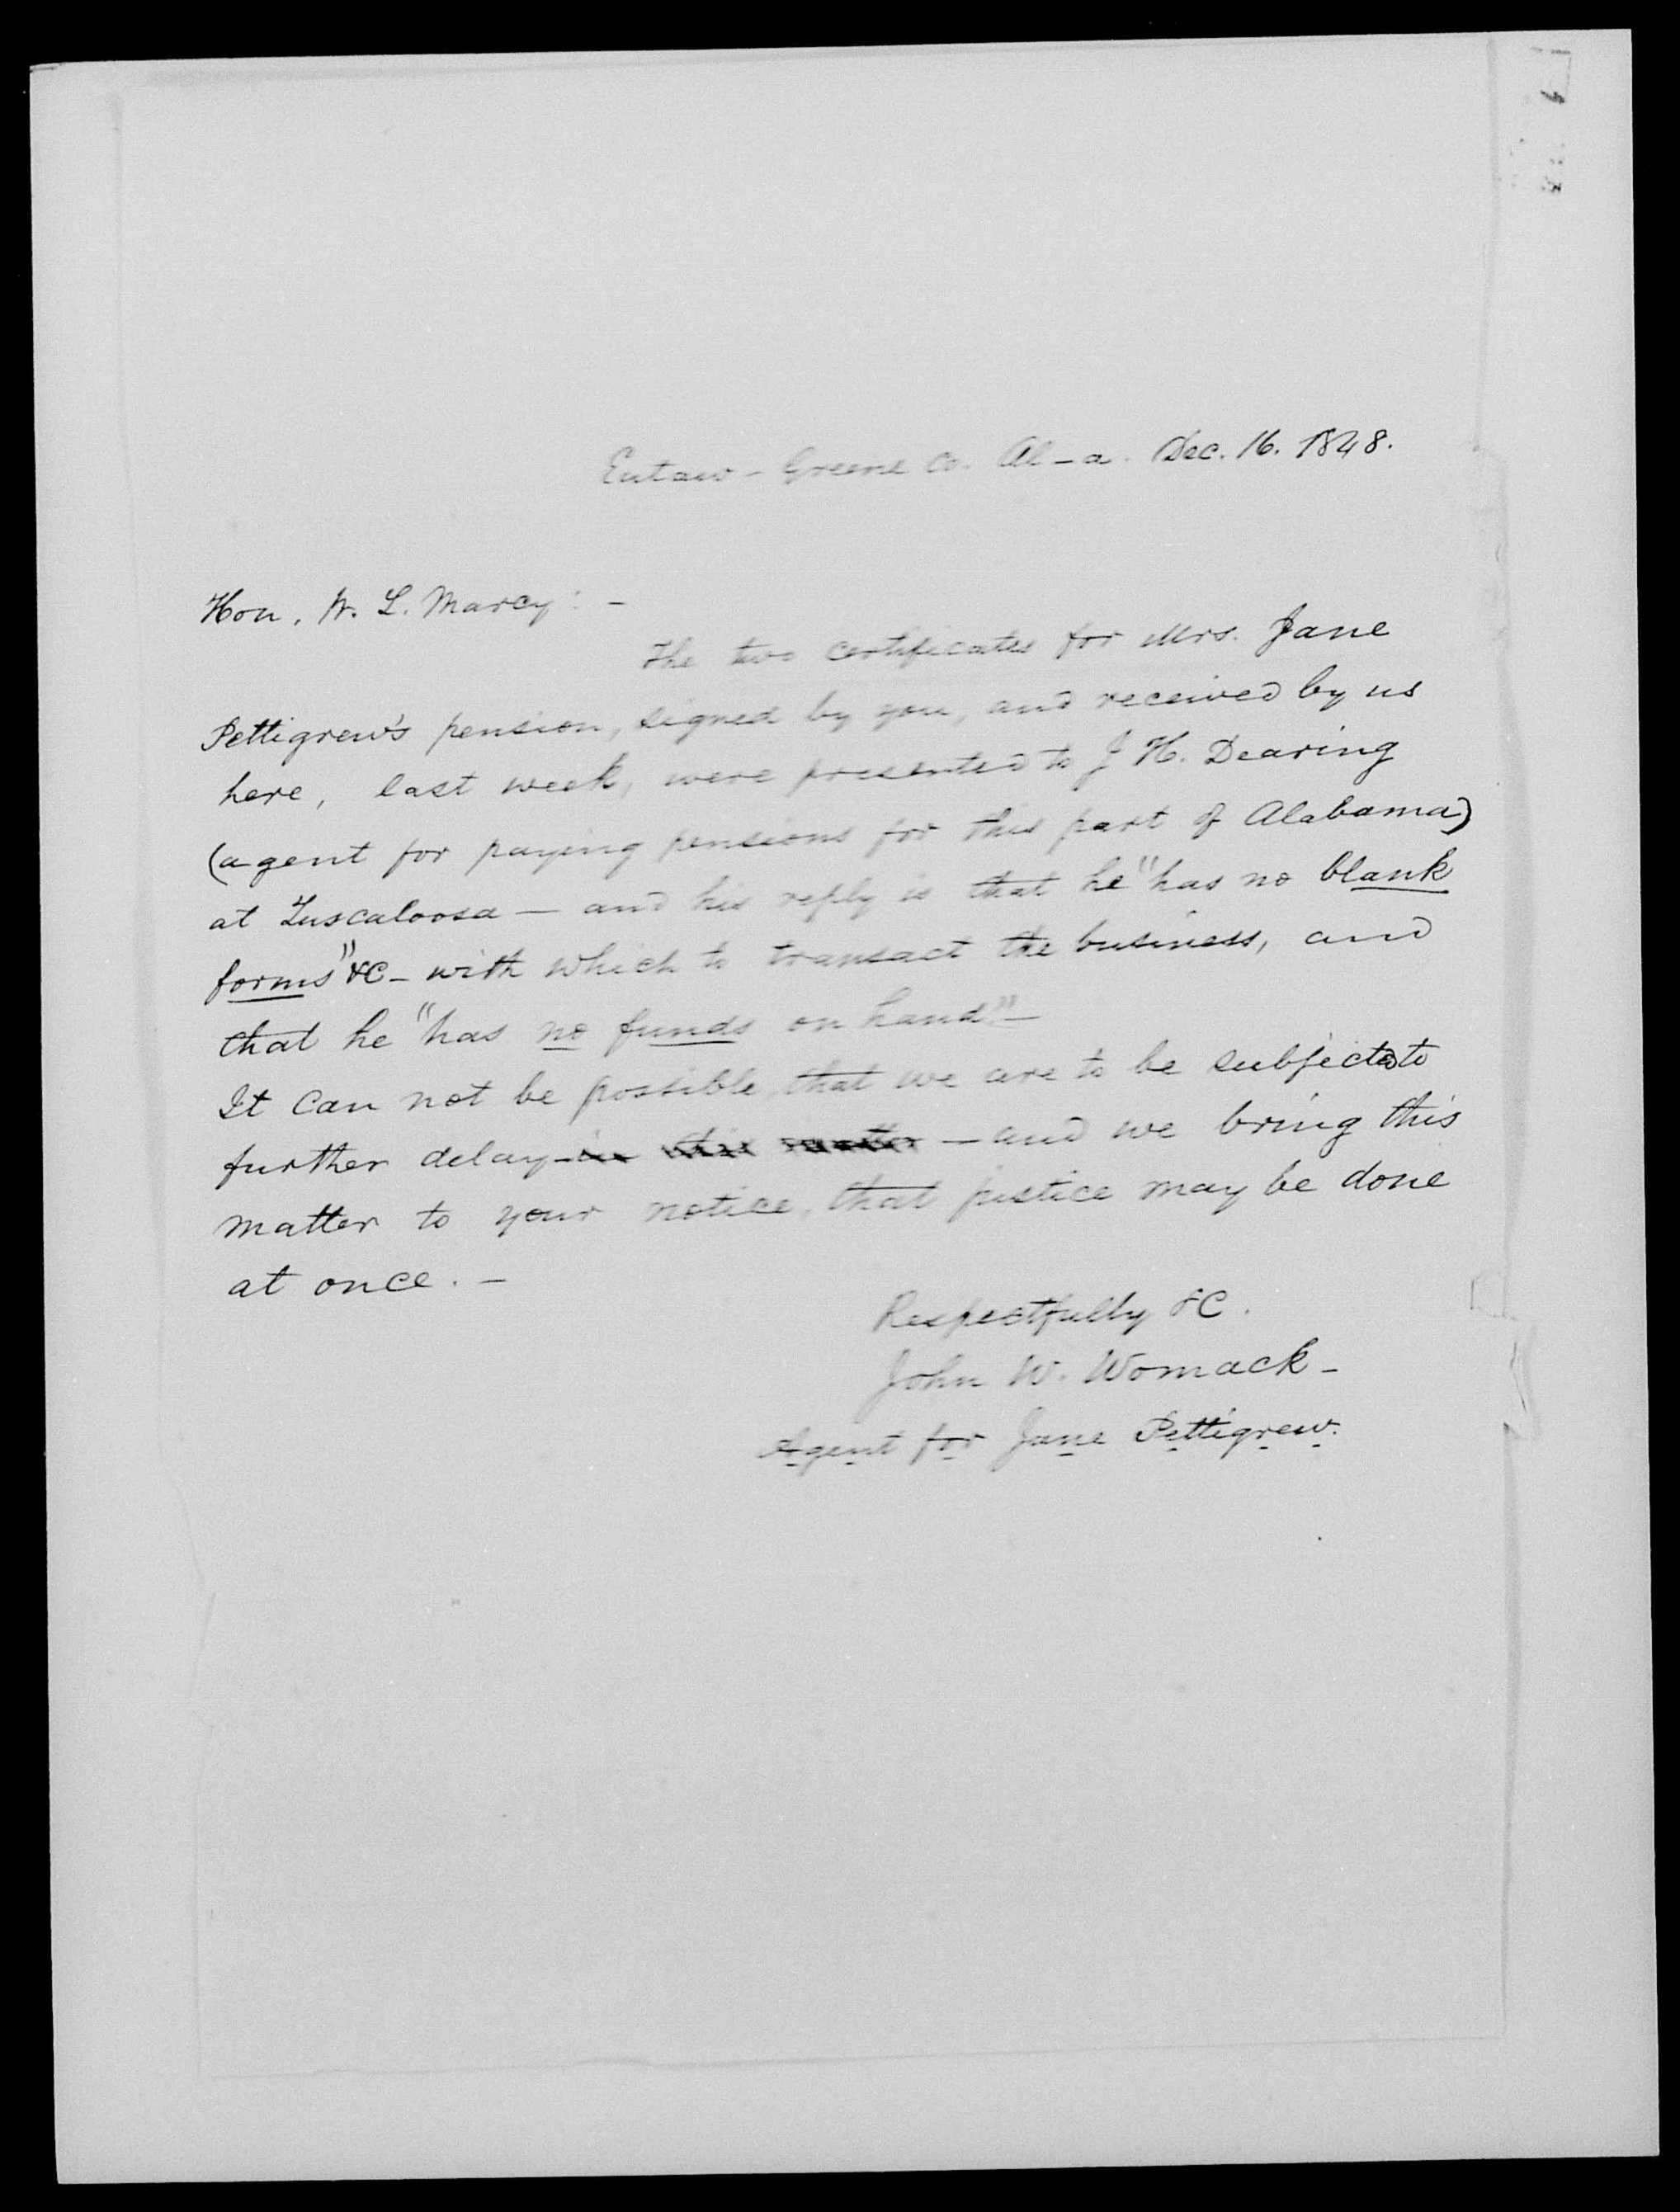Eutaw - Greene Co. Al-a. Dec. 16. 1848.

Hon. H. L. Marcy: -
The two certificates for Mrs. Jane here, last week, were presented to J H. Dearing (agent for paying pensions for this part of Alabama) at Tuscaloosa - and his reply in that he "has no blank forms"fc - with which to transact the business, and that he " has no funds on hand." -
It can not be possible that we are to be subject to further delay - ["in this matter" crossed out] - and we bring this matter to your notice, that justice may be done at once. -

Respectfully fc.
John W. Womack -
Agent for Jane Pettigrew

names: J H Dearing; Jane Pettigrew; W L Marcy; John W Womack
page: 55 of 92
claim: widow's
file: W. 5522, for James Pettigrew, South Carolina